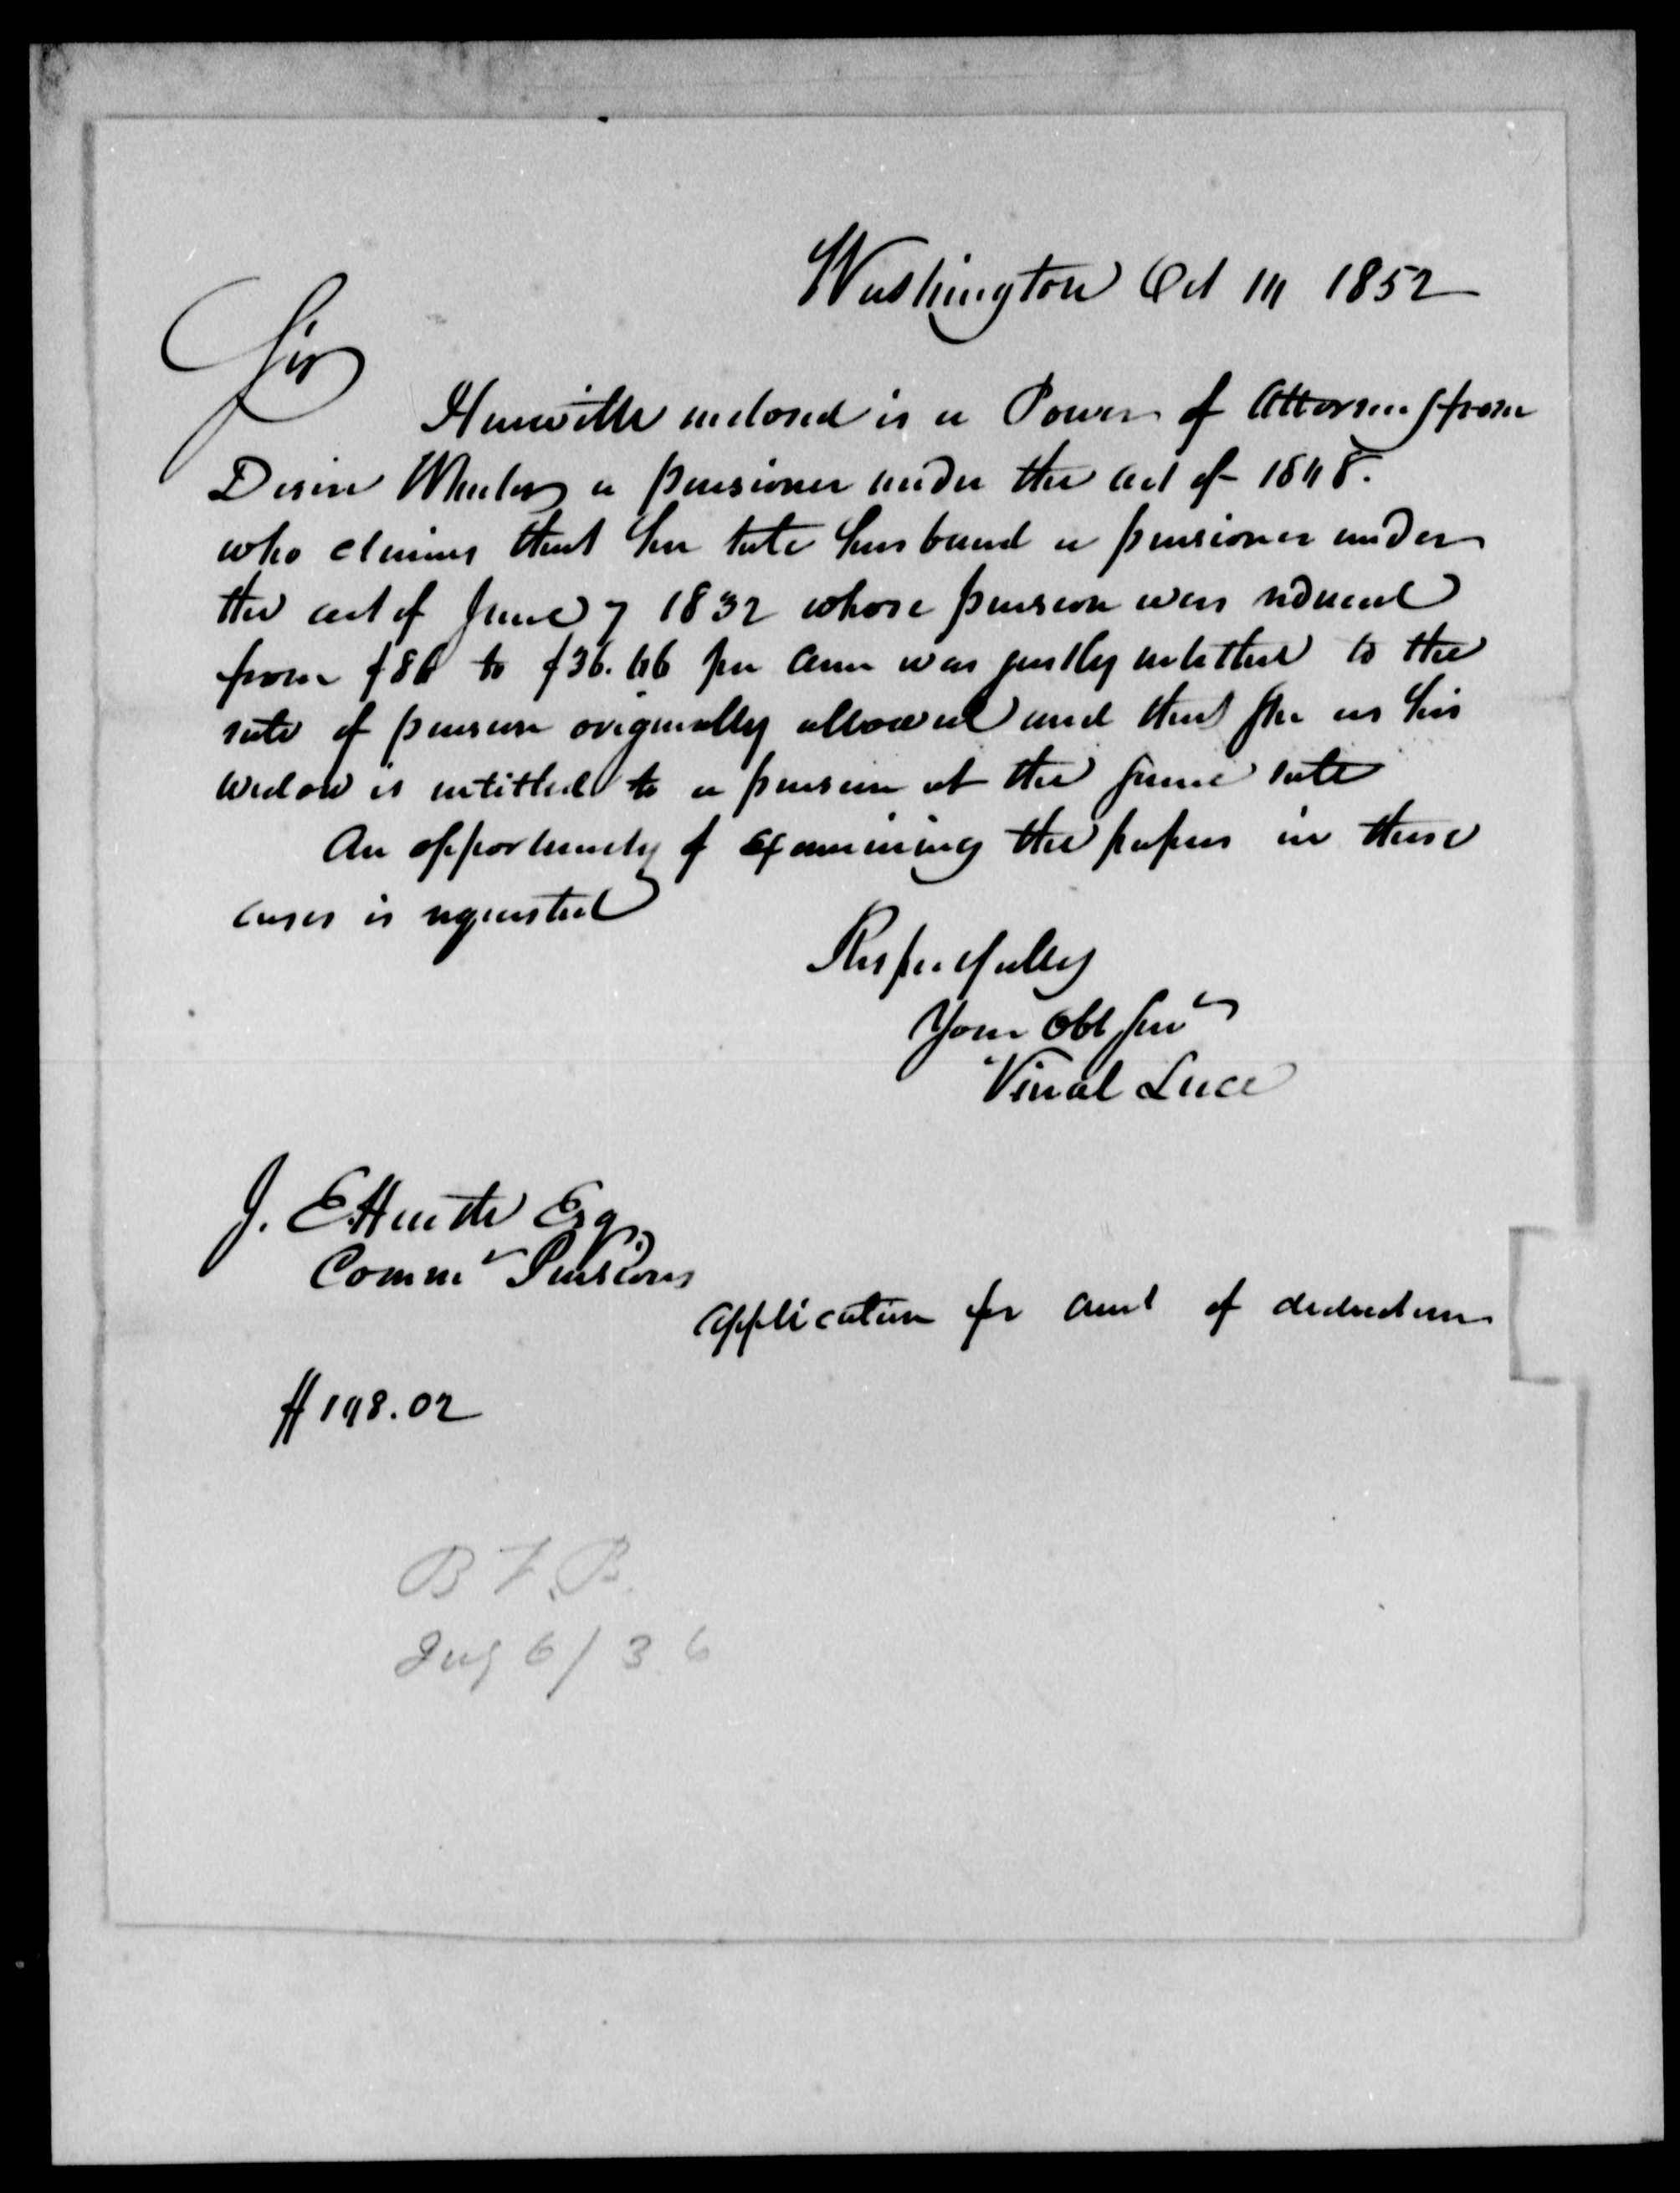Washington Oct. 14, 1852

Sir,
Herewith enclosed is a Power of Attorney from Desire Wheeler a pensioner under the act of 1848 who claims that her late husband a pensioner under the act of June 7, 1832 whose pension was reduced from $86 to $36.66 per ann was justly entitled to the rate of pension originally allowed and that she as his widow is entitled to a pension at the same rate. 
An opportunity of examining the papers in these cases is requested.
Respectfully
Your obt. svt.
Vinal Luce

J. E. Heath Esq.
Commr. Pensions
application for amt of deduction $198.02

B. F. B. 
Juy. 6/36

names: J E Heath, Vinal Luce, Desire Wheeler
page: 67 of 98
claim: widow's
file: W. 1682, Valentine Wheeler, Mass.